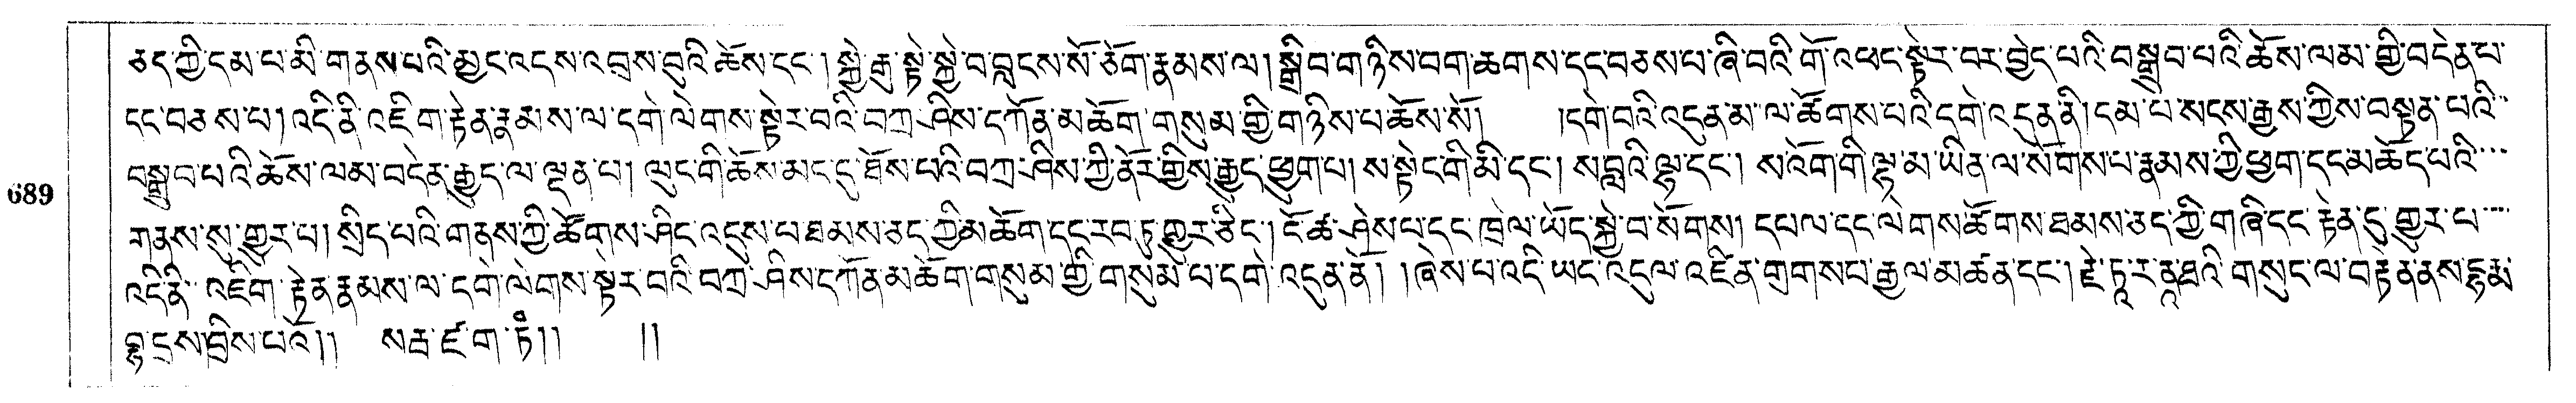ཅད་ཀྱི་དམ་པ་མི་གནས་པའི་མྱང་འདས་འབྲས་བུའི་ཆོས་དང་། སྐྱེ་རྒུ་སྟེ་སྐྱེ་བ་བླངས་སོ་ཅོག་རྣམས་ལ། སྒྲིབ་གཉིས་བག་ཆགས་དང་བཅས་པ་ཞི་བའི་གོ་འཕང་སྟེར་བར་བྱེད་པའི་བསྒྲུབ་པའི་ཆོས་ལམ་གྱི་བདེན་པ་
དང་བཅས་པ། འདི་ནི་འཇིག་རྟེན་རྣམས་ལ་དགེ་ལེགས་སྟེར་བའི་བཀྲ་ཤིས་དཀོན་མཆོག་གསུམ་གྱི་གཉིས་པ་ཆོས་སོ། །དགེ་བའི་འདུན་མ་ལ་ཚོགས་པའི་དགེ་འདུན་ནི། དམ་པ་སངས་རྒྱས་ཀྱིས་བསྟན་པའི་
བསྒྲུབ་པའི་ཆོས་ལམ་བདེན་རྒྱུད་ལ་ལྡན་པ། ལུང་གི་ཆོས་མང་དུ་ཐོས་པའི་བཀྲ་ཤིས་ཀྱི་ནོར་གྱིས་རྒྱུད་ཕྱུག་པ། ས་སྟེང་གི་མི་དང་། ས་བླའི་ལྷ་དང་། ས་འོག་གི་ལྷ་མ་ཡིན་ལ་སོགས་པ་རྣམས་ཀྱི་ཕྱག་དང་མཆོད་པའི་
གནས་སུ་གྱུར་པ། སྲིད་པའི་གནས་ཀྱི་ཚོགས་ཤིང་འདུས་པ་ཐམས་ཅད་ཀྱི་མཆོག་དང་རབ་ཏུ་གྱུར་ཅིང་། ངོ་ཚ་ཤེས་པ་དང་ཁྲེལ་ཡོད་སྐྱེ་བ་སོགས། དཔལ་དང་ལེགས་ཚོགས་ཐམས་ཅད་ཀྱི་གཞི་དང་རྟེན་དུ་གྱུར་པ་
འདི་ནི་འཇིག་རྟེན་རྣམས་ལ་དགེ་ལེགས་སྟེར་བའི་བཀྲ་ཤིས་དཀོན་མཆོག་གསུམ་གྱི་གསུམ་པ་དགེ་འདུན་ནོ། །ཞེས་པ་འདི་ཡང་འདུལ་འཛིན་གྲགས་པ་རྒྱལ་མཚན་དང་། རྗེ་ཏཱ་ར་ནཱ་ཐའི་གསུང་ལ་བརྟེན་ནས་དྷ་རྨ་
བྷ་དྲས་།བྲིས་པའོ།། སརྦ་ཛ་ག་ཏཾ།། །།